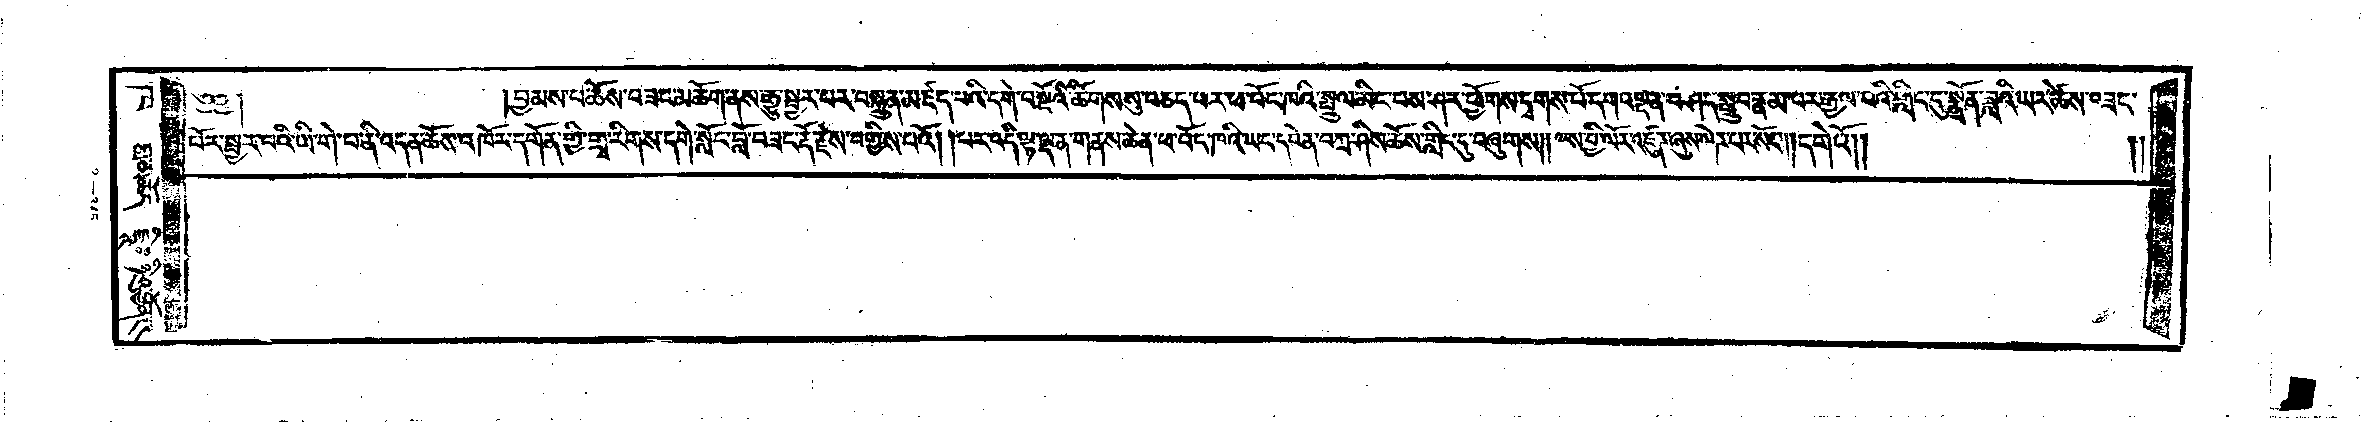༄༅། །བྱམས་པ་ཆོས་བཟང་མཆོག་ནས་རྒྱུ་སྦྱར་པར་བསྐྲུན་མཛད་པའི་དགེ་བསྔོའི་ཚིགས་སུ་བཅད་པར་ཕ་བོང་ཁའི་སྤྲུལ་མིང་བས་ཤར་ཕྱོགས་དྭགས་པོ་དགའ་ལྡན་བཤད་སྒྲུབ་རྣམ་པར་རྒྱལ་བའི་གླིང་དུ་སྣོན་ཟླའི་ཡར་ཚེས་བཟང་
པོར་སྦྱར་བའི་ཡི་གེ་པ་ནི་འདན་ཆོས་འཁོར་དགོན་གྱི་གྲྭ་རིགས་དགེ་སློང་བློ་བཟང་རྡོ་རྗེས་བགྱིས་པའོ། །པར་འདི་ལྟ་ལྡན་གནས་ཆེན་ཕ་བོང་ཁའི་ཡང་དབེན་བཀྲ་ཤིས་ཆོས་གླིང་དུ་བཞུགས། །༧ས་བྱི་ལོར་འཛུཌ་ཞུས་ལེཌ་པར་སོང།། དགེའོ།། །།